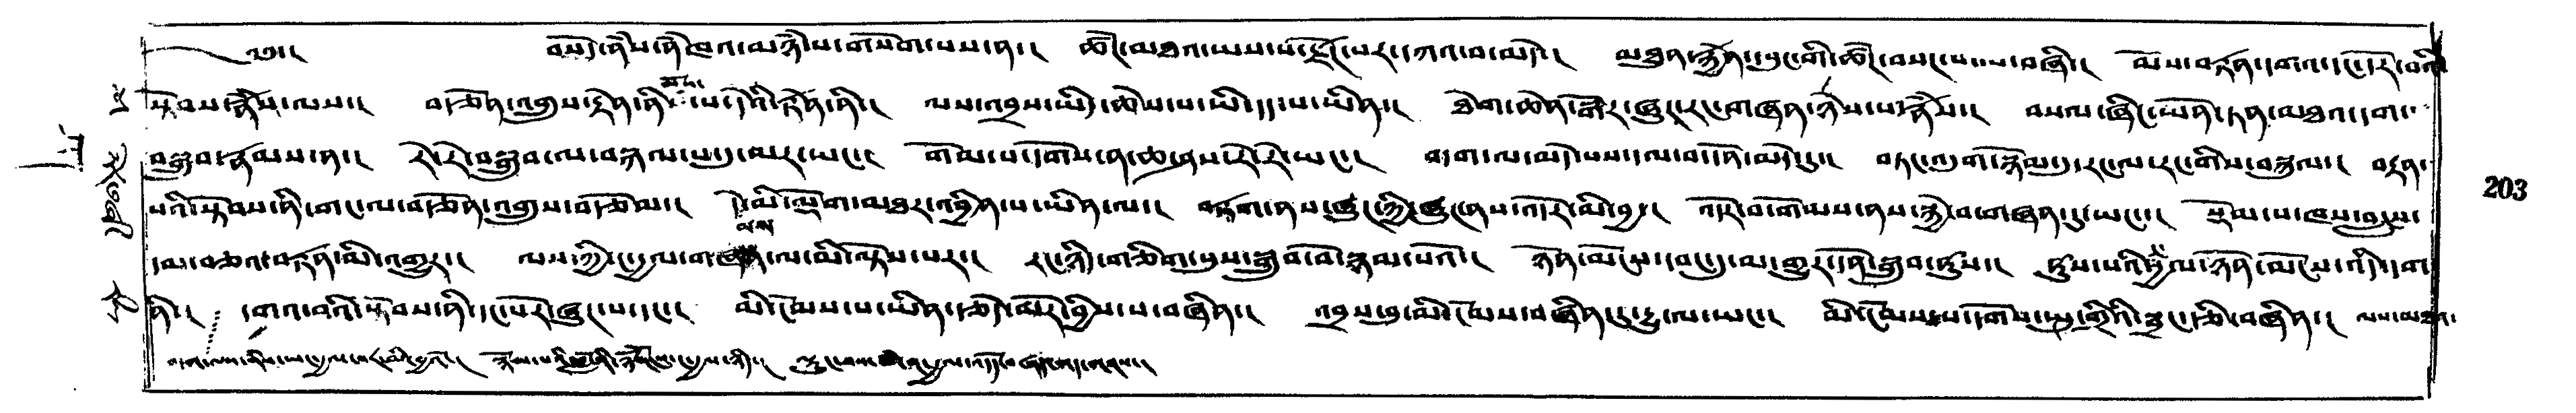བསོད་ནམས་ནམ་མཁའ་མཉམ་པ་གསོག་པས་ན། །ཚོགས་མཐའ་ཡས་པ་རྫོགས་པར་དཀའ་བ་མེད། །མཐུན་རྐྱེན་དཔུང་གི་ཚོགས་བསགས་པ་ལ་བཞི། །མོས་བརྟན་དགའ་དང་དོར་བའི་
སྟོབས་རྣམས་ལས། །བརྩོན་འགྲུས་རྟེན་ནི་མོས་པ་དེའི་རྟེན་ནི། །ལས་འབྲས་ཡིད་ཆེས་པ་ཡི་དད་པ་ཡིན། །ཐེག་ཆེན་སྒོར་ཞུགས་རང་གཞན་ཉེས་པ་རྣམས། །བསལ་ཞིང་ཡོན་ཏན་མཐའ་དག་
བསྒྲུབ་རྣམས་ནི། །རེ་རེ་བསྒྲུབ་ལ་བསྐལ་པ་དུ་མར་ཡང་། །གོམས་པ་དགོས་ན་ཆ་ཤས་རེ་རེ་ཡང་། །བདག་ལ་མེད་པས་དལ་བ་དོན་མེད་དུ། །བཏང་འདུག་སྙམ་དུ་རང་ལ་རང་གིས་བསྐུལ། །བརྟན་
པའི་སྟོབས་ནི་གང་ལ་བརྩོན་འགྲུས་བརྩོམ། །དེ་ལས་མི་ལྡོག་མཐར་འབྱིན་པ་ཡིན་ལ། །བརྟག་ནས་ཞུགས་ཀྱི་ཞུགས་ནས་འདོར་མི་བྱ། །འདོར་བ་གོམས་ནས་སྐྱེ་བ་གཞན་དུ་ཡང་། །སྡོམ་པ་ཁས་བླངས་
དམ་བཅའ་བརྟན་མི་འགྱུར། །ལས་ཀྱི་ང་རྒྱལ་གཞན་ལ་མི་ལྟོས་པར། །རང་ཉིད་གཅིག་པུས་སྒྲུབ་བོ་སྙམ་པའོ། །ཉོན་མོངས་དབང་དུ་མ་གྱུར་དོན་སྒྲུབ་ནུས། །ནུས་པའི་ང་རྒྱལ་ཉོན་མོངས་འདི་དག་
ནི། །བདག་ལས་ནམ་ཡང་རྒྱལ་བར་མི་བྱའོ། །སྙམ་པའི་བློ་ནི་ཉོན་མོངས་ང་རྒྱལ་ཉིད། །ལྟུང་བས་ཕམ་ན་རྒྱལ་འདོད་བཞད་གད་གནས། །དགའ་བའི་སྟོབས་ནི་དང་པོར་ཞུགས་པ་དང་། །མི་ངོམས་པ་ཡིན་རྩེད་མོར་བྱིས་པ་བཞིན། །འབྲས་བུ་མི་ངོམས་བཞིན་དུ་རྒྱུ་ལ་ཡང་། །མི་ངོམས་པ་དགོས་སྤུ་གྲིའི་སྦྲང་རྩི་བཞིན། །ལས་མཐའ་